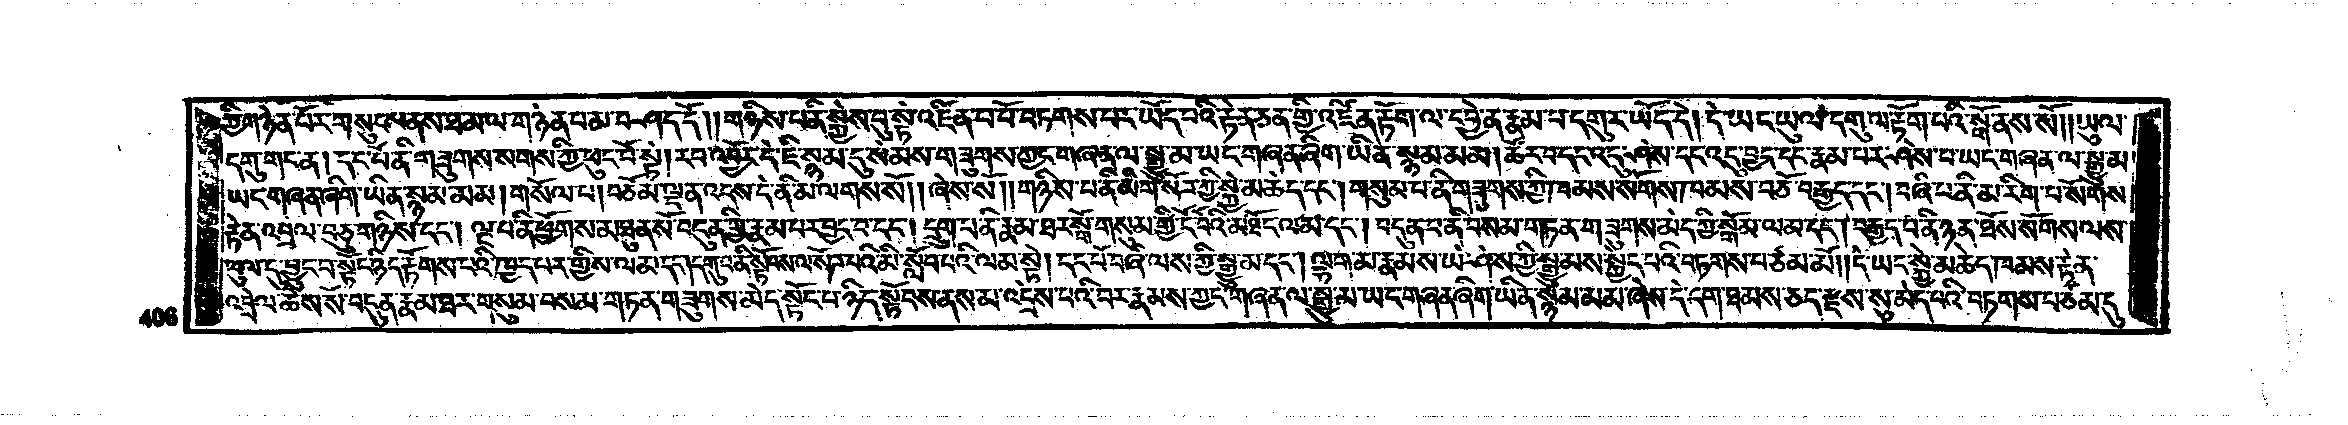ཀྱི་གཉེན་པོར་གསུངས་ནས་ཐ་མ་ལ་གཉེན་པ་མ་བཤད་དོ། །གཉིས་པ་ནི་སྐྱེས་བུ་སྟེ་འཛིན་པ་པོ་བཏགས་པར་ཡོད་པའི་རྟེན་ཅན་གྱི་འཛིན་རྟོག་ལ་དབྱེ་ན་རྣམ་པ་དགུར་ཡོད་དེ། དེ་ཡང་ཡུལ་དགུ་ལ་རྟོག་པའི་སྒོ་ནས་སོ། །ཡུལ་
དགུ་གང་ན། དང་པོ་ནི་གཟུགས་སོགས་ཀྱི་ཕུང་པོ་སྟེ། རབ་འབྱོར་དེ་ཇི་སྙམ་དུ་སེམས་གཟུགས་ཀྱང་གཞན་ལ་སྒྱུ་མ་ཡང་གཞན་ཞིག་ཡིན་སྙམ་མམ། ཚོར་བ་དང་འདུ་ཤེས་དང་འདུ་བྱེད་དང་རྣམ་པར་ཤེས་པ་ཡང་གཞན་ལ་སྒྱུ་མ་
ཡང་གཞན་ཞིག་ཡིན་སྙམ་མམ། གསོལ་པ། བཅོམ་ལྡན་འདས་དེ་ནི་མ་ལགས་སོ། །ཞེས་སོ། །གཉིས་པ་ནི་མིག་སོགས་ཀྱི་སྐྱེ་མཆེད་དང་། གསུམ་པ་ནི་གཟུགས་ཀྱི་ཁམས་སོགས་ཁམས་བཅོ་བརྒྱད་དང་། བཞི་པ་ནི་མ་རིག་པ་སོགས་
རྟེན་འབྲེལ་བཅུ་གཉིས་དང་། ལྔ་པ་ནི་ཕྱོགས་མཐུན་སོ་བདུན་གྱི་རྣམ་པར་བྱེད་པ་དང་། དྲུག་པ་ནི་རྣམ་ཐར་སྒོ་གསུམ་གྱི་ངོ་བོའི་མཐོང་ལམ་དང་། བདུན་པ་ནི་བསམ་གཏན་གཟུགས་མེད་ཀྱི་སྒོམ་ལམ་དང་། བརྒྱད་པ་ནི་ཉན་ཐོས་སོགས་ལས་
ཕུལ་དུ་བྱུང་བ་སྟོང་ཉིད་རྟོགས་པའི་ཁྱད་པར་གྱིས་ལམ་དང་། དགུ་པ་ནི་སྟོབས་ལ་སོགས་པའི་མི་སློབ་པའི་ལམ་སྟེ། དང་པོ་བཞི་ལས་ཀྱི་སྒྱུ་མ་དང་། ལྷག་མ་རྣམས་ཡེ་ཤེས་ཀྱི་སྒྱུ་མས་སྐྱེད་པའི་བཏགས་པ་ཙམ་མོ། །དེ་ཡང་སྐྱེ་མཆེད་ཁམས་རྟེན་
འབྲེལ་ཆོས་སོ་བདུན་རྣམ་ཐར་གསུམ་བསམ་གཏན་གཟུགས་མེད་སྟོང་པ་ཉིད་སྟོབས་ནས་མ་འདྲེས་པའི་བར་རྣམས་ཀྱང་གཞན་ལ་སྒྱུ་མ་ཡང་གཞན་ཞིག་ཡིན་སྙམ་མམ་ཞེས་དེ་དག་ཐམས་ཅད་རྫས་སུ་མེད་པའི་བཏགས་པ་ཙམ་དུ་